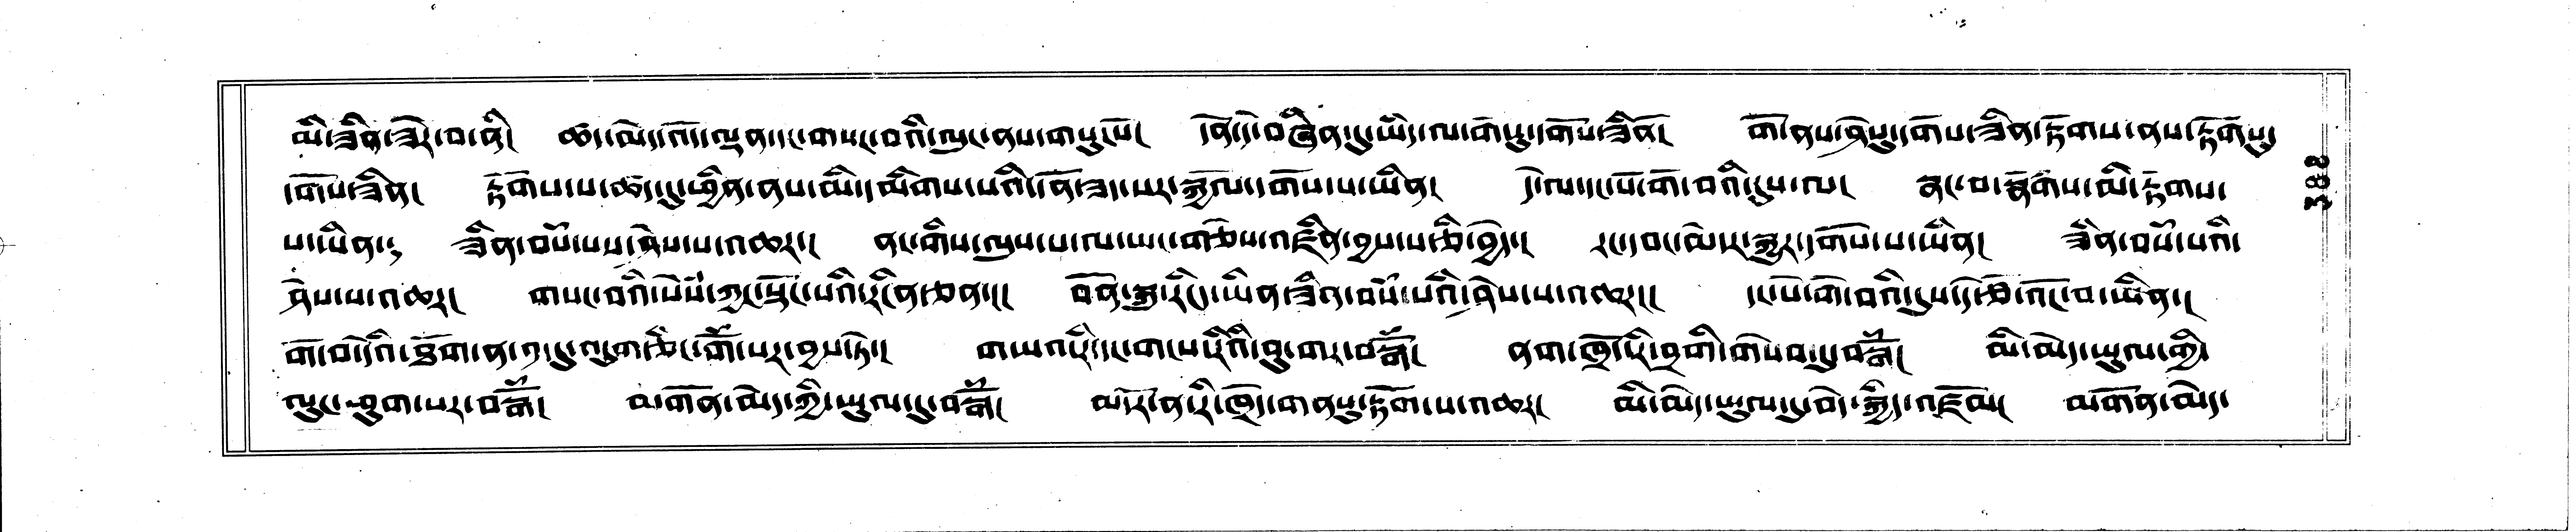ཟེར་བ། ཚད་མེད་འོད་ལྡན་དང་གསང་བ་འདུས་པའི་ལུང་ནས་གསུངས། དོན་དེ་བཞིན་དུ་ཡིན་ན། དང་པོ་གོ་རུ་དགོས་ཟིན། གོ་ནས་ཤེས་སུ་དགོས་ཟིན། ཤེས་ན་རྟོགས་སུ་
དགོས་ཟིན། རྟོགས་པ་ཚད་དུ་ཕྱིན་པས་མི་དམིགས་པའི་དོན་ཟད་སར་སྐྱེལ་དགོས་པ་ཡིན། དེ་ལ་དང་པོ་གོ་བའི་དུས་ལ་ སྣང་བ་སྣ་ཚོགས་མི་རྟག་
པ་ཡིན་ ཟིན་སྙམས་པའི་ཤེས་པ་འཆར། རང་གིས་ལུས་པོ་ལའང་གཅེས་འཛིན་བྱས་པས་ཅི་སྐྱིད། རང་དབང་མེད་པར་སྐྱུར་དགོས་པ་ཡིན་ སྙམ་པའི་
ཤེས་པ་ཆར། གསང་བའི་སེམས་ཀྱང་སྟོང་པའི་རང་བཞིན་ཅན། བོན་སྐུ་རང་ཉིད་ཡིན་བསམ་པའི་ཤེས་པ་འཆར། དང་པོ་གོ་བའི་དུས་དེ་ཙམ་འོང་བ་ཡིན། 
གོ་བ་དེའི་ཐོག་ནས་ཅིག་པུར་འདུག་ཅིང་གོམ་པར་བྱ་ཏེ། གཡའ་རི་དང་གངས་རིའི་བུ་གར་བྷོམ་(སྒོམ)། ནགས་ཁྲོད་དང་རི་བྲག་གིས་གསེབ་དུ་བྷོམ་(སྒོམ)། མི་མེད་ཡུལ་གྱི་
ལུང་པར་བྷོམ་(སྒོམ)། མགོན་མེད་སྐྱབས་མེད་ཀྱིས་ཡུལ་དུ་བསྒོམ། མདོར་ན་རི་ཁྲོད་ཀྱིས་གནས་སུ་རྟོགས་པ་འཆར། མི་མེད་ཀྱིས་ཡུལ་དུ་བདེ་སྐྱིད་འཛོམ། མགོན་མེད་